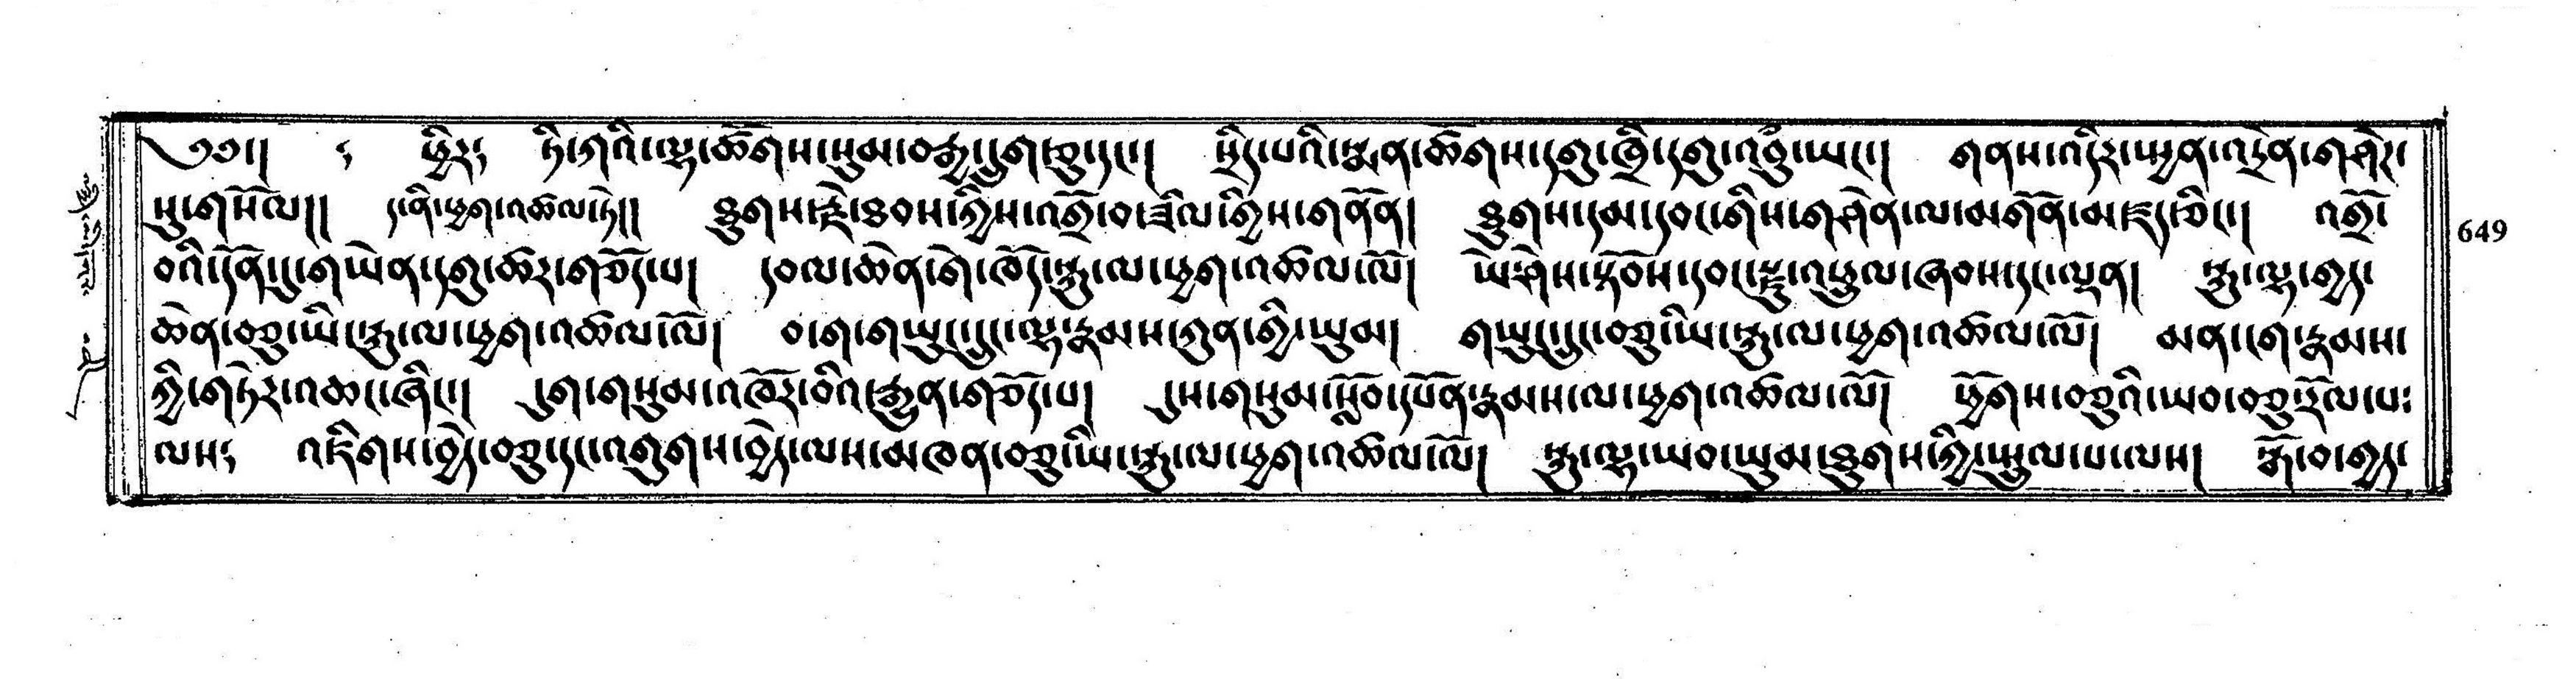ཕྱིར། ཏི་ཀའི་ལྷ་ཚོགས་སུམ་བརྒྱ་དྲུག་ཅུ་དང་། སྲིད་པའི་སྨན་ཚོགས་དགུ་ཁྲི་དགུ་འབུམ་ཡང་། གནས་འདིར་སྤྱན་འདྲེན་གཤེགས་
སུ་གསོལ།། ད་ནི་ཕྱག་འཚལ་ཏེ།། ཐུགས་རྗེ་ཐབས་ཀྱིས་འགྲོ་བ་ཟིལ་གྱིས་གནོན། ཐུགས་དམ་དབང་གིས་གཤེན་ལ་མགོན་མཛད་ཅིང་། འགྲོ་
བའི་དོན་དུ་གཡེན་དགུ་ཚར་གཅོད་པ། དབལ་ཆེན་གེ་ཁོད་སྐུ་ལ་ཕྱག་འཚལ་ལོ། ཡེ་ཤེས་སྟོབས་དབང་རྫུ་འཕྲུལ་ཞབས་དང་ལྡན། སྐུ་ལྷ་གྱད་
ཆེན་བཅུ་ཡི་སྐུ་ལ་ཕྱག་འཚལ་ལོ། བ་ག་གཡུང་དྲུང་ལྷ་རྣམས་ཀུན་གྱི་ཡུམ། གཡུང་དྲུང་བཅུ་ཡི་སྐུ་ལ་ཕྱག་འཚལ་ལོ། མན་ངག་རྣམས་
ཀྱི་གཏེར་འཆང་ཞིང་། དུག་གསུམ་འཁོར་བའི་རྒྱུན་གཅོད་པ། དུས་གསུམ་སློབ་དཔོན་རྣམས་ལ་ཕྱག་འཚལ་ལོ། ཕྱོགས་བཅུའི་ཡབ་བཅུ་རོལ་པ་
ལས། འཇིགས་བྱེད་བཅུ་དང་འགུགས་བྱེད་ལས་མཁན་བཅུ་ཡི་སྐུ་ལ་ཕྱག་འཚལ་ལོ། སྐུ་ལྷ་ཡབ་ཡུམ་ཐུགས་ཀྱི་སྤྲུལ་པ་ལས། སྒོ་བ་གྱད་